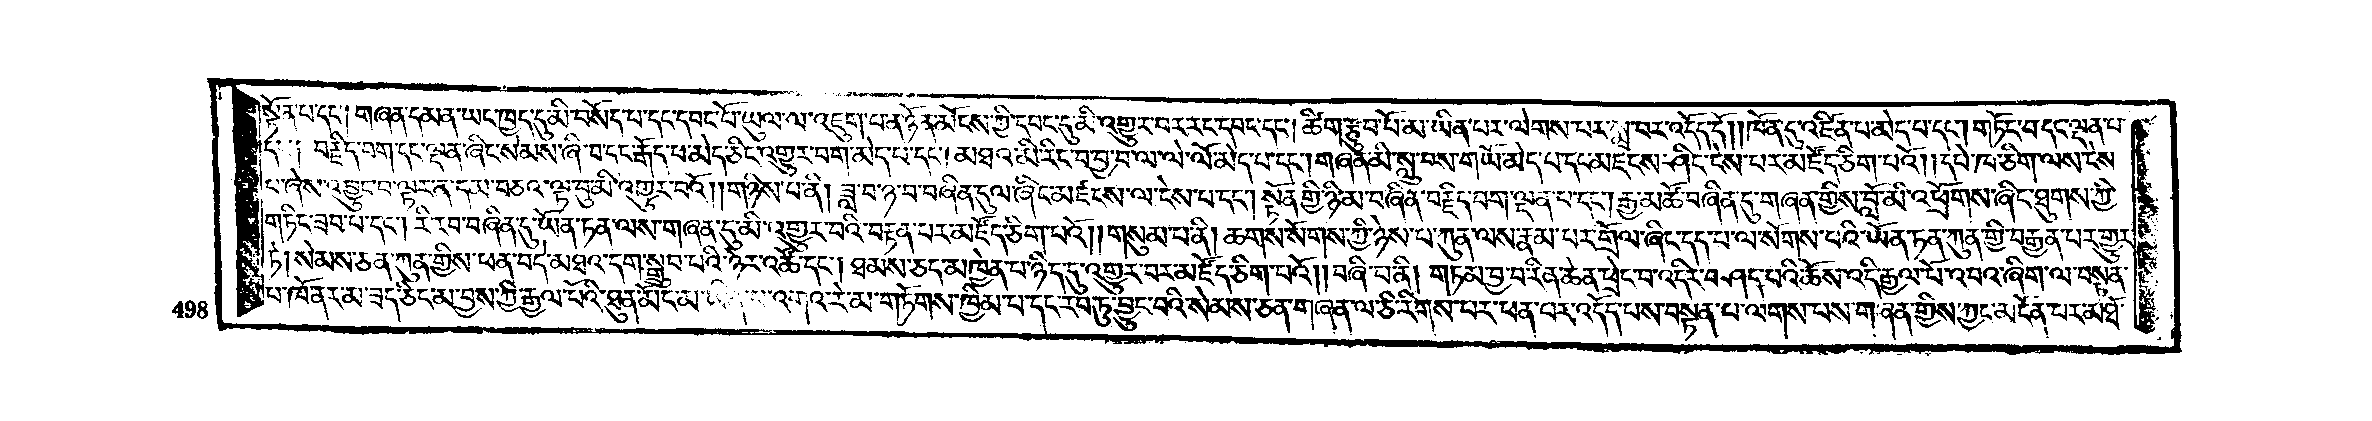སྟོན་པ་དང་། གཞན་དམན་ཡང་ཁྱད་དུ་མི་བསོད་པ་དང་དབང་པོ་ཡུལ་ལ་འཇུག་པ་ན་ཉོན་མོངས་ཀྱི་དབང་དུ་མི་འགྱུར་བར་རང་དབང་དང་། ཚིག་རྩུབ་པོ་མ་ཡིན་པར་ལེགས་པར་སྨྲ་བར་འདོད་དོ། །ཁོ་ན་དུ་འཛིན་པ་མེད་པ་དང་། གཏོང་པ་དང་ལྡན་པ་
དང་། བརྗིད་བག་དང་ལྡན་ཞིང་སེམས་ཞི་བ་དང་རྒོད་པ་མེད་ཅིང་འགྱུར་བག་མེད་པ་དང་། མཐའ་མི་རིང་བ་བྱ་བ་ལ་ལེ་ལོ་མེད་པ་དང་། གཞན་མི་སླུ་བས་གཡོ་མེད་པ་དང་མཛངས་ཤིང་ངེས་པར་མཛོད་ཅིག་པའོ། །དཔེ་ཁ་ཅིག་ལས་ངེས་
པ་ཞེས་འབྱུང་བ་ལྟར་ན་དམ་བཅའ་ལྟ་བུ་མི་འགྱུར་བའོ། །གཉིས་པ་ནི། ཟླ་བ་ཉ་བ་བཞིན་དུལ་ཞིང་མཛངས་ལ་ངེས་པ་དང་། སྟོན་གྱི་ཉི་མ་བཞིན་བརྗིད་བག་ལྡན་པ་དང་། རྒྱ་མཚོ་བཞིན་དུ་གཞན་གྱིས་བློ་མི་འཕྲོགས་ཞིང་ཐུགས་ཀྱི་
གཏིང་ཟབ་པ་དང་། རི་རབ་བཞིན་དུ་ཡོན་ཏན་ལས་གཞན་དུ་མི་འགྱུར་བའི་བརྟན་པར་མཛོད་ཅིག་པའོ། །གསུམ་པ་ནི། ཆགས་སོགས་ཀྱི་ཉེས་པ་ཀུན་ལས་རྣམ་པར་གྲོལ་ཞིང་དད་པ་ལ་སོགས་པའི་ཡོན་ཏན་ཀུན་གྱི་བརྒྱན་པར་གྱུར་
ཏེ། སེམས་ཅན་ཀུན་གྱིས་ཕན་བདེ་མཐའ་དག་སྒྲུབ་པའི་ཉེར་འཚོ་དང་། ཐམས་ཅད་མཁྱེན་པ་ཉིད་དུ་འགྱུར་བར་མཛོད་ཅིག་པའོ། །བཞི་པ་ནི། གཏམ་བྱ་བ་རིན་ཆེན་ཕྲེང་བ་འདིར་བཤད་པའི་ཆོས་འདི་རྒྱལ་པོ་འབའ་ཞིག་ལ་བསྟན་
པ་ཁོ་ནར་མ་ཟད་ཅིང་མ་བྱས་ཀྱི་རྒྱལ་པོའི་ཐུན་མོང་མ་ཡིན་པ་འགའ་རེ་མ་གཏོགས་ཁྱིམ་པ་དང་རབ་ཏུ་བྱུང་བའི་སེམས་ཅན་གཞན་ལ་ཅི་རིགས་པར་ཕན་པར་འདོད་པས་བསྟན་པ་ལགས་པས་གཞན་གྱིས་ཀྱང་མངོན་པར་མཐོ་